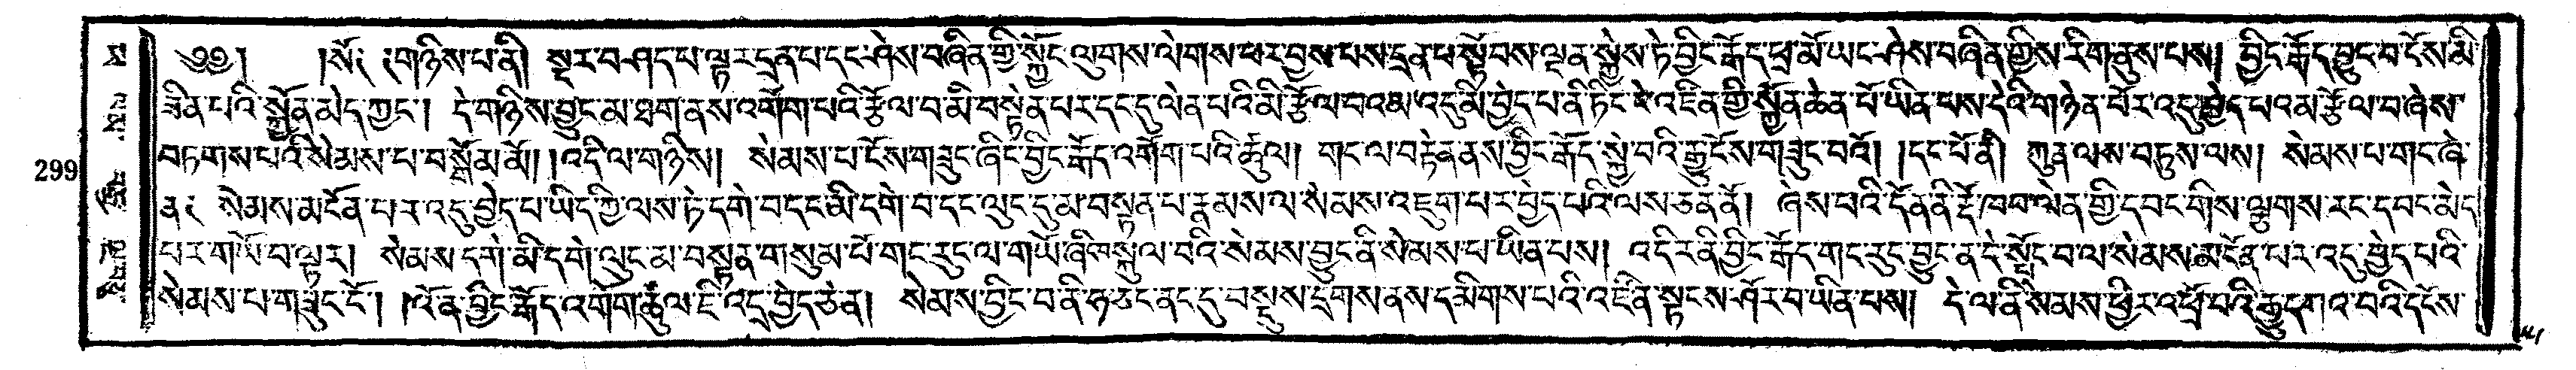༄༅། །སོ༑ ༑གཉིས་པ་ནི། སྔར་བཤད་པ་ལྟར་དྲན་པ་དང་ཤེས་བཞིན་གྱི་སྐྱོང་ལུགས་ལེགས་ཕར་བྱས་པས་དྲན་པ་སྟོབས་ལྡན་སྐྱེས་ཏེ་བྱིང་རྒོད་ཕྲ་མོ་ཡང་ཤེས་བཞིན་གྱིས་རིག་ནུས་པས། བྱིང་རྒོད་བྱུང་བ་ངོས་མི་
ཟིན་པའི་སྐྱོན་མེད་ཀྱང་། དེ་གཉིས་བྱུང་མ་ཐག་ནས་འགོག་པའི་རྩོལ་བ་མི་བསྟེན་པར་དང་དུ་ལེན་པའི་མི་རྩོལ་བའམ་འདུ་མི་བྱེད་པ་ནི་ཏིང་ངེ་འཛིན་གྱི་སྐྱོན་ཆེན་པོ་ཡིན་པས་དེའི་གཉེན་པོར་འདུ་བྱེད་པའམ་རྩོལ་བ་ཞེས་
བཏགས་པའི་སེམས་པ་བསྒོམ་མོ། །འདི་ལ་གཉིས། སེམས་པ་ངོས་གཟུང་ཞིང་བྱིང་རྒོད་འགོག་པའི་ཚུལ། གང་ལ་བརྟེན་ནས་རྒོད་སྐྱེ་བའི་རྒྱུ་ངོས་གཟུང་བའོ། །དང་པོ་ནི། ཀུན་ལས་བཏུས་ལས། སེམས་པ་གང་ཞེ་
ན༑ སེམས་མངོན་པར་འདུ་བྱེད་པ་ཡིད་ཀྱི་ལས་ཏེ་དགེ་བ་དང་མི་དགེ་བ་དང་ལུང་དུ་མ་བསྟན་པ་རྣམས་ལ་སེམས་འཇུག་པར་བྱེད་པའི་ལས་ཅན་ནོ། ཞེས་པའི་དོན་ནི་རྡོ་ཁབ་ལེན་གྱི་དབང་གིས་ལྕགས་རང་དབང་མེད་
པར་གཡོ་བ་ལྟར། སེམས་དགེ་མི་དགེ་ལུང་མ་བསྟན་གསུམ་པོ་གང་རུང་ལ་གཡོ་ཞིང་བསྐུལ་བའི་སེམས་བྱུང་ནི་སེམས་པ་ཡིན་པས། འདིར་ནི་བྱིང་རྒོད་གང་རུང་བྱུང་ན་དེ་སྤོང་བ་ལ་སེམས་མངོན་པར་འདུ་ཕྱེད་པའི་
སེམས་པ་གཟུང་ངོ ། །འོ་ན་བྱིང་རྒོད་འགོག་ཚུལ་ཇི་འདྲ་བྱེད་ཅེ་ན། སེམས་བྱིང་བ་ནི་ཧ་ཅང་ནང་དུ་བསྡུས་དྲགས་ནས་དམིགས་པའི་འཛིན་སྟངས་ཤོར་བ་ཡིན་པས། དེ་ལ་ནི་སེམས་ཕྱིར་འཕྲོ་བའི་རྒྱུ་དགའ་བའི་དངོས་